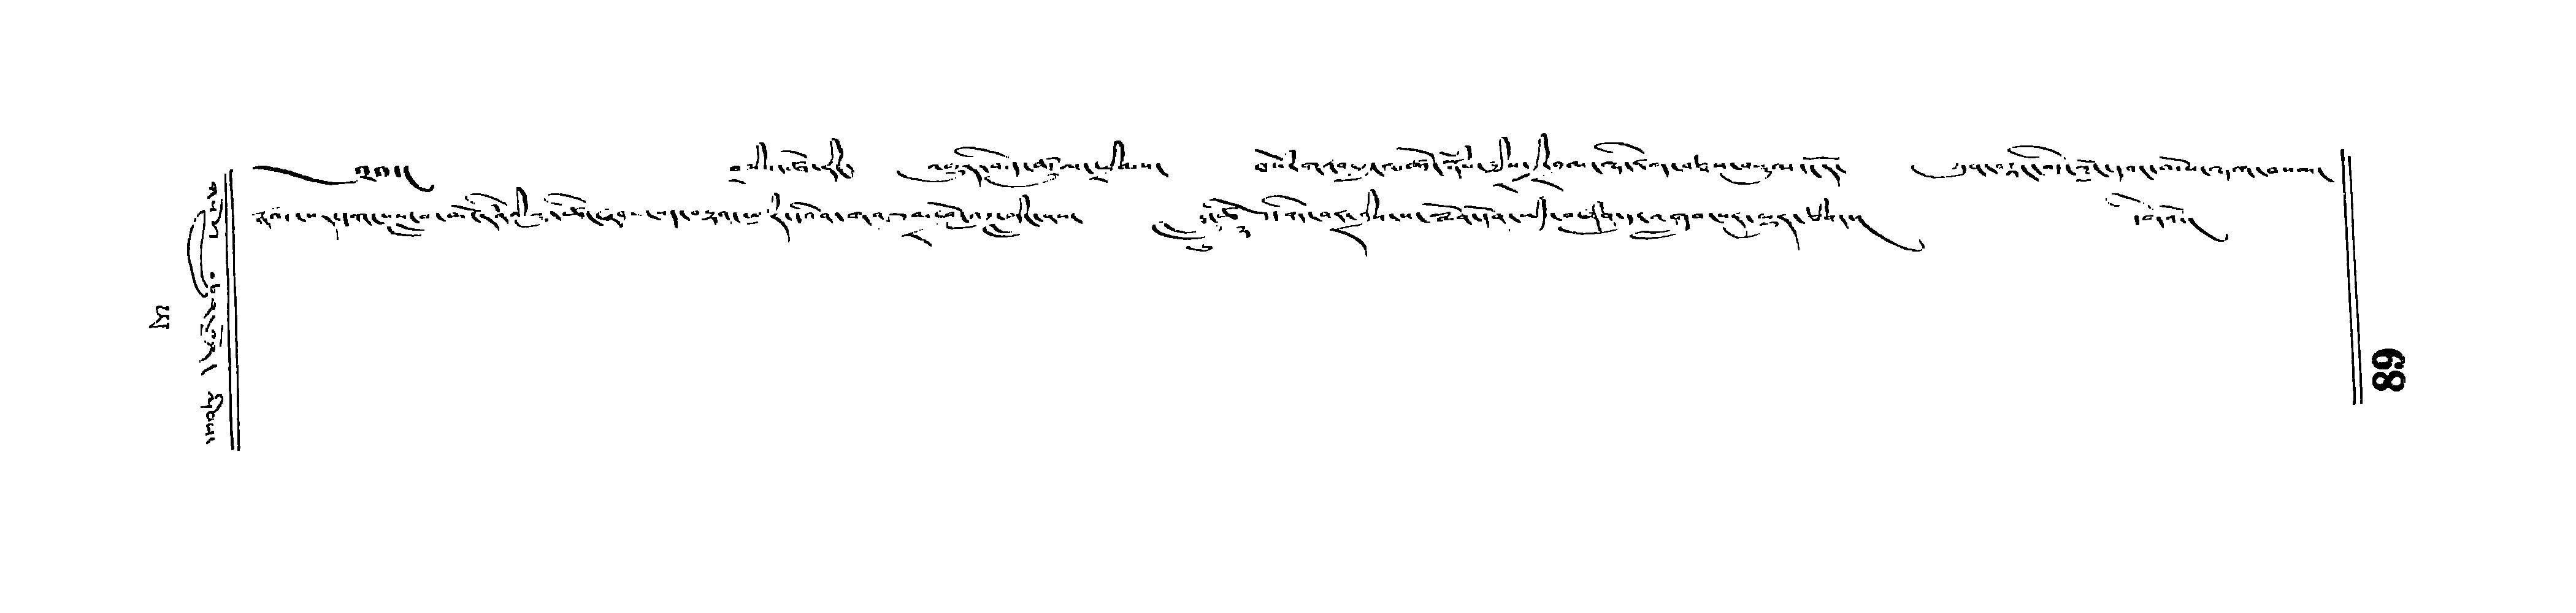བཀྲ་ཤིས་ཚེ་རིང་། འགྱུར་མེད་ཚུལ་ཁྲིམས། བསམ་གཏན་རྒྱ་མཚོ་རྣམས་ཀྱིས་དྲི་བྲལ་ལྷ་རེག་བཅས་བསྐུལ་ངོར། ཀུན་བཟང་བདེ་སྐྱོང་དབང་མོས་ལྷག་བསམ་
རྣམ་པར་དག་པས་བླ་མ་རིན་པོ་ཆེའི་སྐུ་ཚེ་ཞབས་པད་བརྟན་ཕྱིར་དབེན་གནས་མཁའ་འགྲོ་འདུ་གླིང་ནས། ཟླ་དྲུག་པའི་ཚེས་གཉིས་དགེ་བར་བྲིས་པ་སྨོན་དོན་ཡིད་བཞིན་དུ་འགྲུབ་པར་གྱུར་ཅིག།དགེའོ།།